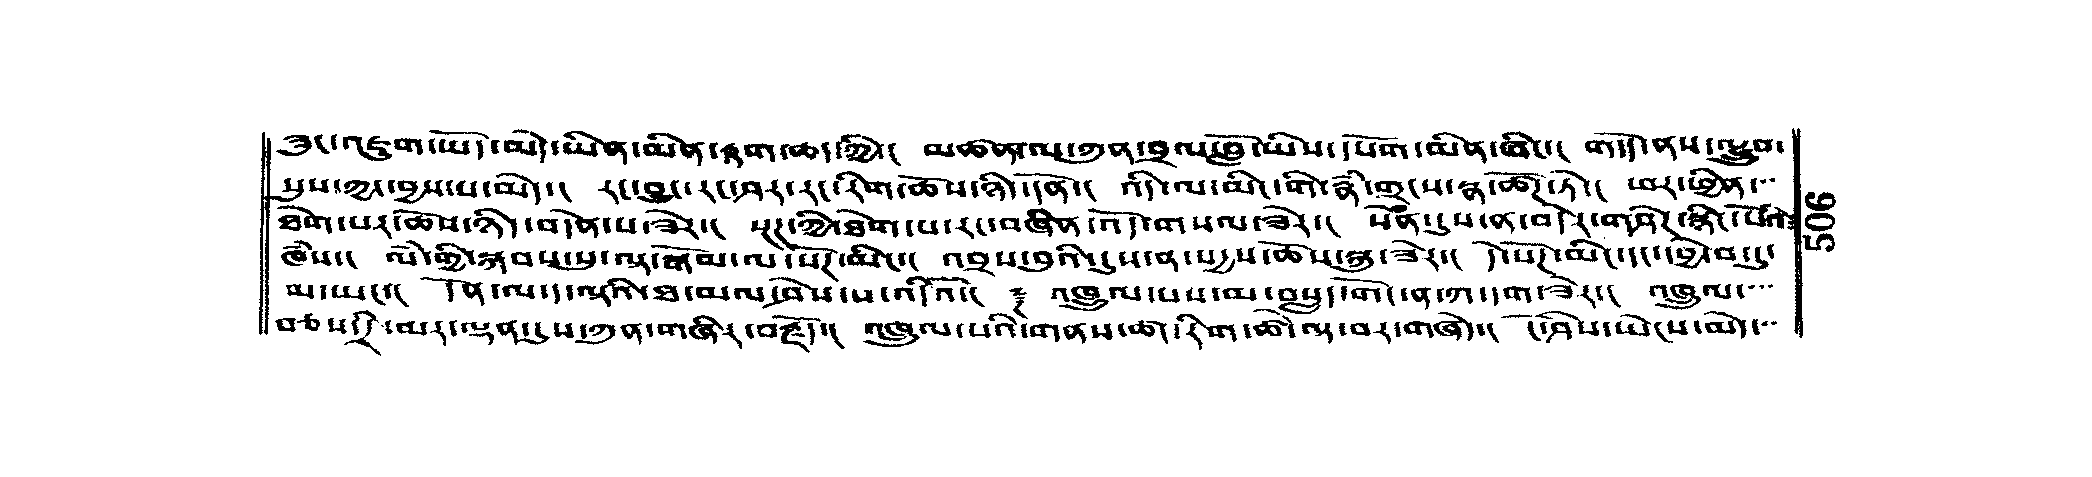།ཟུང་འཇུག་ཡོད་མེད་ཡིན་མིན་རྟག་ཆད་ཀྱི། །མཚན་མ་ཀུན་བྲལ་བློ་ཡིས་དཔོག་མིན་ཞིང་། །གདོད་ནས་ལྷུན་གྲུབ་
སུས་ཀྱང་བྱས་པ་མེད། །རང་བྱུང་རང་ཤར་རང་རིག་ཆོས་ཉིད་དོན། །འདི་ལ་མིང་གི་རྣམ་གྲངས་སྣ་ཚོགས་ཏེ། །ཕར་ཕྱིན་
ཐེག་པར་ཆོས་ཉིད་བདེན་པ་ཟེར། །སྔགས་ཀྱི་ཐེག་པ་རང་བཞིན་འོད་གསལ་ཟེར། །སེམས་ཅན་དུས་ན་བདེ་གཤེགས་སྙིང་པོའི་
ཁམས། །ལམ་གྱི་སྐབས་སུ་ལྟ་སྒོམ་ལ་སོགས་མིང་། །འབྲས་བུའི་དུས་ན་སངས་རྒྱས་ཆོས་སྐུ་ཟེར། །དེ་སོགས་མིང་དང་དབྱེ་བ་དུ་
མ་ཡང་། །དོན་ལ་ད་ལྟའི་ཐ་མལ་ཤེས་པ་འདིའོ། ༈ །འཁྲུལ་པས་མ་བསླད་གོང་ན་ཀ་དག་ཟེར། །འཁྲུལ་
བཅས་དྲི་མར་ལྡན་དུས་ཀུན་གཞིར་བརྗོད། འཁྲུལ་པའི་གནས་ཚང་རིག་ཚེ་ལྟ་བར་བཞེད། །ངོ་ཤེས་ཡེངས་མེད་